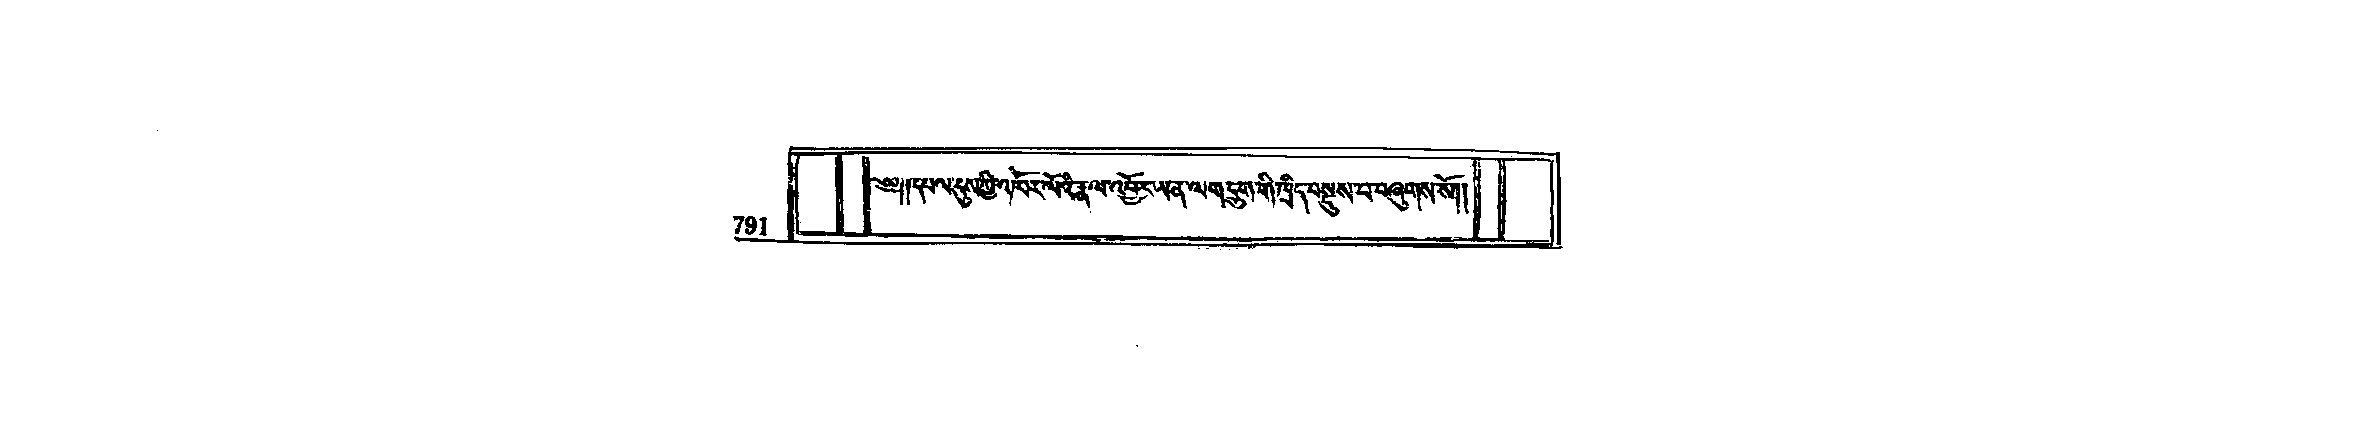༄༅། །དཔལ་དུས་ཀྱི་འཁོར་ལོའི་རྣལ་འབྱོར་ཡན་ལག་དྲུག་གི་ཁྲིད་བསྡུས་པ་བཞུགས་སོ། །